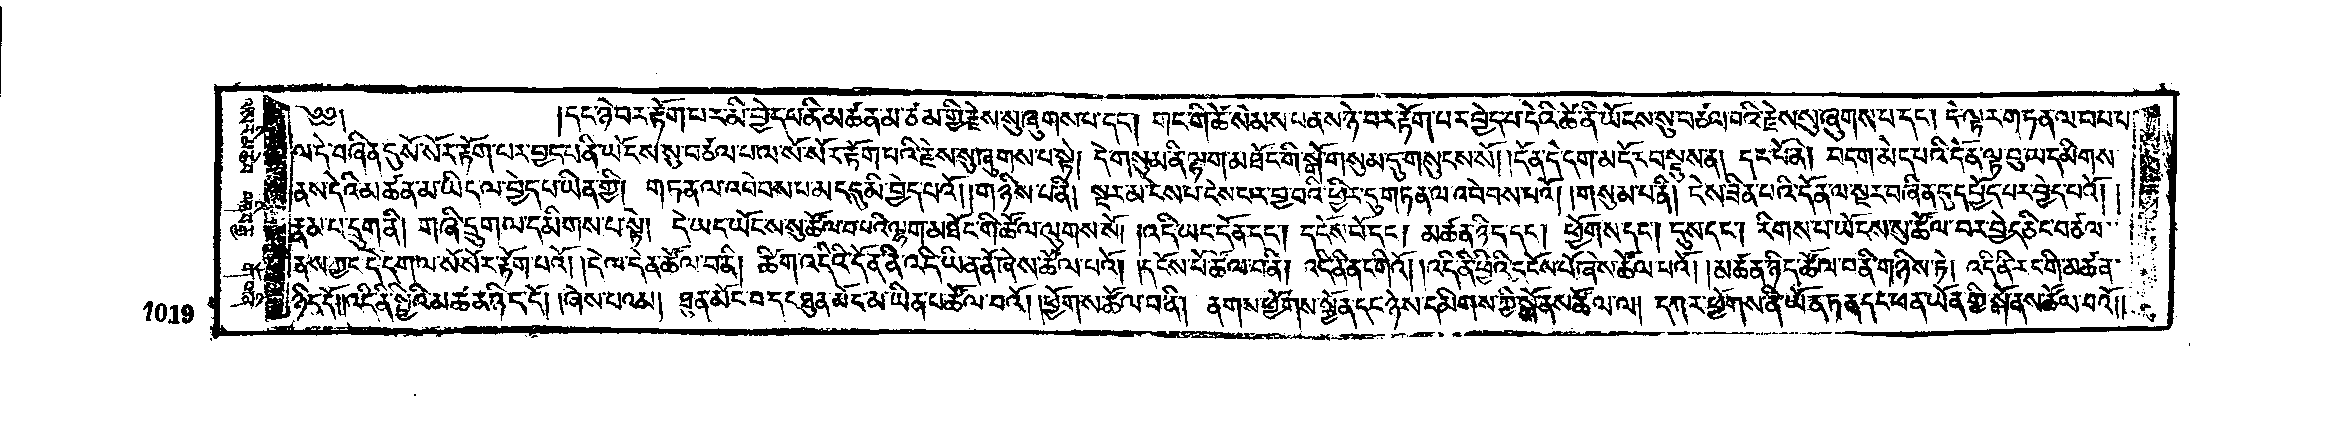༄༅། །དང་ཉེ་བར་རྟོག་པར་མི་བྱེད་པ་ནི་མཚན་མ་ཙམ་གྱི་རྗེས་སུ་ཞུགས་པ་དང་། གང་གི་ཚེ་སེམས་པ་ནས་ཉེ་བར་རྟོག་པར་བྱེད་པ་དེའི་ཚེ་ནི་ཡོངས་སུ་བཙལ་བའི་རྗེས་སུ་ཞུགས་པ་དང་། དེ་ལྟར་གཏན་ལ་ཕབ་པ་
ལ་དེ་བཞིན་དུ་སོ་སོར་རྟོག་པར་བྱེད་པ་ནི་ཡོངས་སུ་བཙལ་བ་ལ་སོ་སོར་རྟོག་པའི་རྗེས་སུ་ཞུགས་པ་སྟེ། དེ་གསུམ་ནི་ལྷག་མཐོང་གི་སྒོ་གསུམ་དུ་གསུངས་སོ། །དོན་དེ་དག་མདོར་བསྡུས་ན། དང་པོ་ནི། བདག་མེད་པའི་དོན་ལྟ་བུ་ལ་དམིགས་
ནས་དེའི་མཚན་མ་ཡིད་ལ་བྱེད་པ་ཡིན་གྱི། གཏན་ལ་འབེབས་པ་མང་དུ་མི་བྱེད་པའོ། །གཉིས་པ་ནི། སྔར་མ་ངེས་པ་ངེས་པར་བྱ་བའི་ཕྱིར་དུ་གཏན་ལ་འབེབས་པའོ། །གསུམ་པ་ནི། ངེས་ཟིན་པའི་དོན་ལ་སྔར་བཞིན་དུ་དཔྱོད་པར་བྱེད་པའོ། །
རྣམ་པ་དྲུག་ནི། གཞི་དྲུག་ལ་དམིགས་པ་སྟེ། དེ་ཡང་ཡོངས་སུ་ཚོལ་བ་པའི་ལྷག་མཐོང་གི་ཚོལ་ལུགས་སོ། །འདི་ཡང་དོན་དང་། དངོས་པོ་དང་། མཚན་ཉིད་དང་། ཕྱོགས་དང་། དུས་དང་། རིགས་པ་ཡོངས་སུ་ཚོལ་བར་བྱེད་ཅིང་བཙལ་
ནས་ཀྱང་དེ་དག་ལ་སོ་སོར་རྟོག་པའོ། །དེ་ལ་དོན་ཚོལ་བ་ནི། ཚིག་འདིའི་དོན་ནི་འདི་ཡིན་ནོ་ཞེས་ཚོལ་བའོ། །དངོས་པོ་ཚོལ་བ་ནི། འདི་ནི་ནང་གིའོ། །འདི་ནི་ཕྱིའི་དངོས་པོ་ཞེས་ཚོལ་བའོ། །མཚན་ཉིད་ཚོལ་བ་ནི་གཉིས་ཏེ། འདི་ནི་རང་གི་མཚན་
ཉིད་དོ། །འདི་ནི་སྤྱིའི་མཚན་ཉིད་དོ། །ཞེས་པའམ། ཐུན་མོང་བ་དང་ཐུན་མོང་མ་ཡིན་པ་ཚོལ་བའོ། །ཕྱོགས་ཚོལ་བ་ནི། ནགས་ཕྱོགས་སྐྱོན་དང་ཉེས་དམིགས་ཀྱི་སྒོ་ནས་ཚོལ་ལ། དཀར་ཕྱོགས་ནི་ཡོན་ཏན་དང་ཕན་ཡོན་གྱི་སྒོ་ནས་ཚོལ་བའོ། །